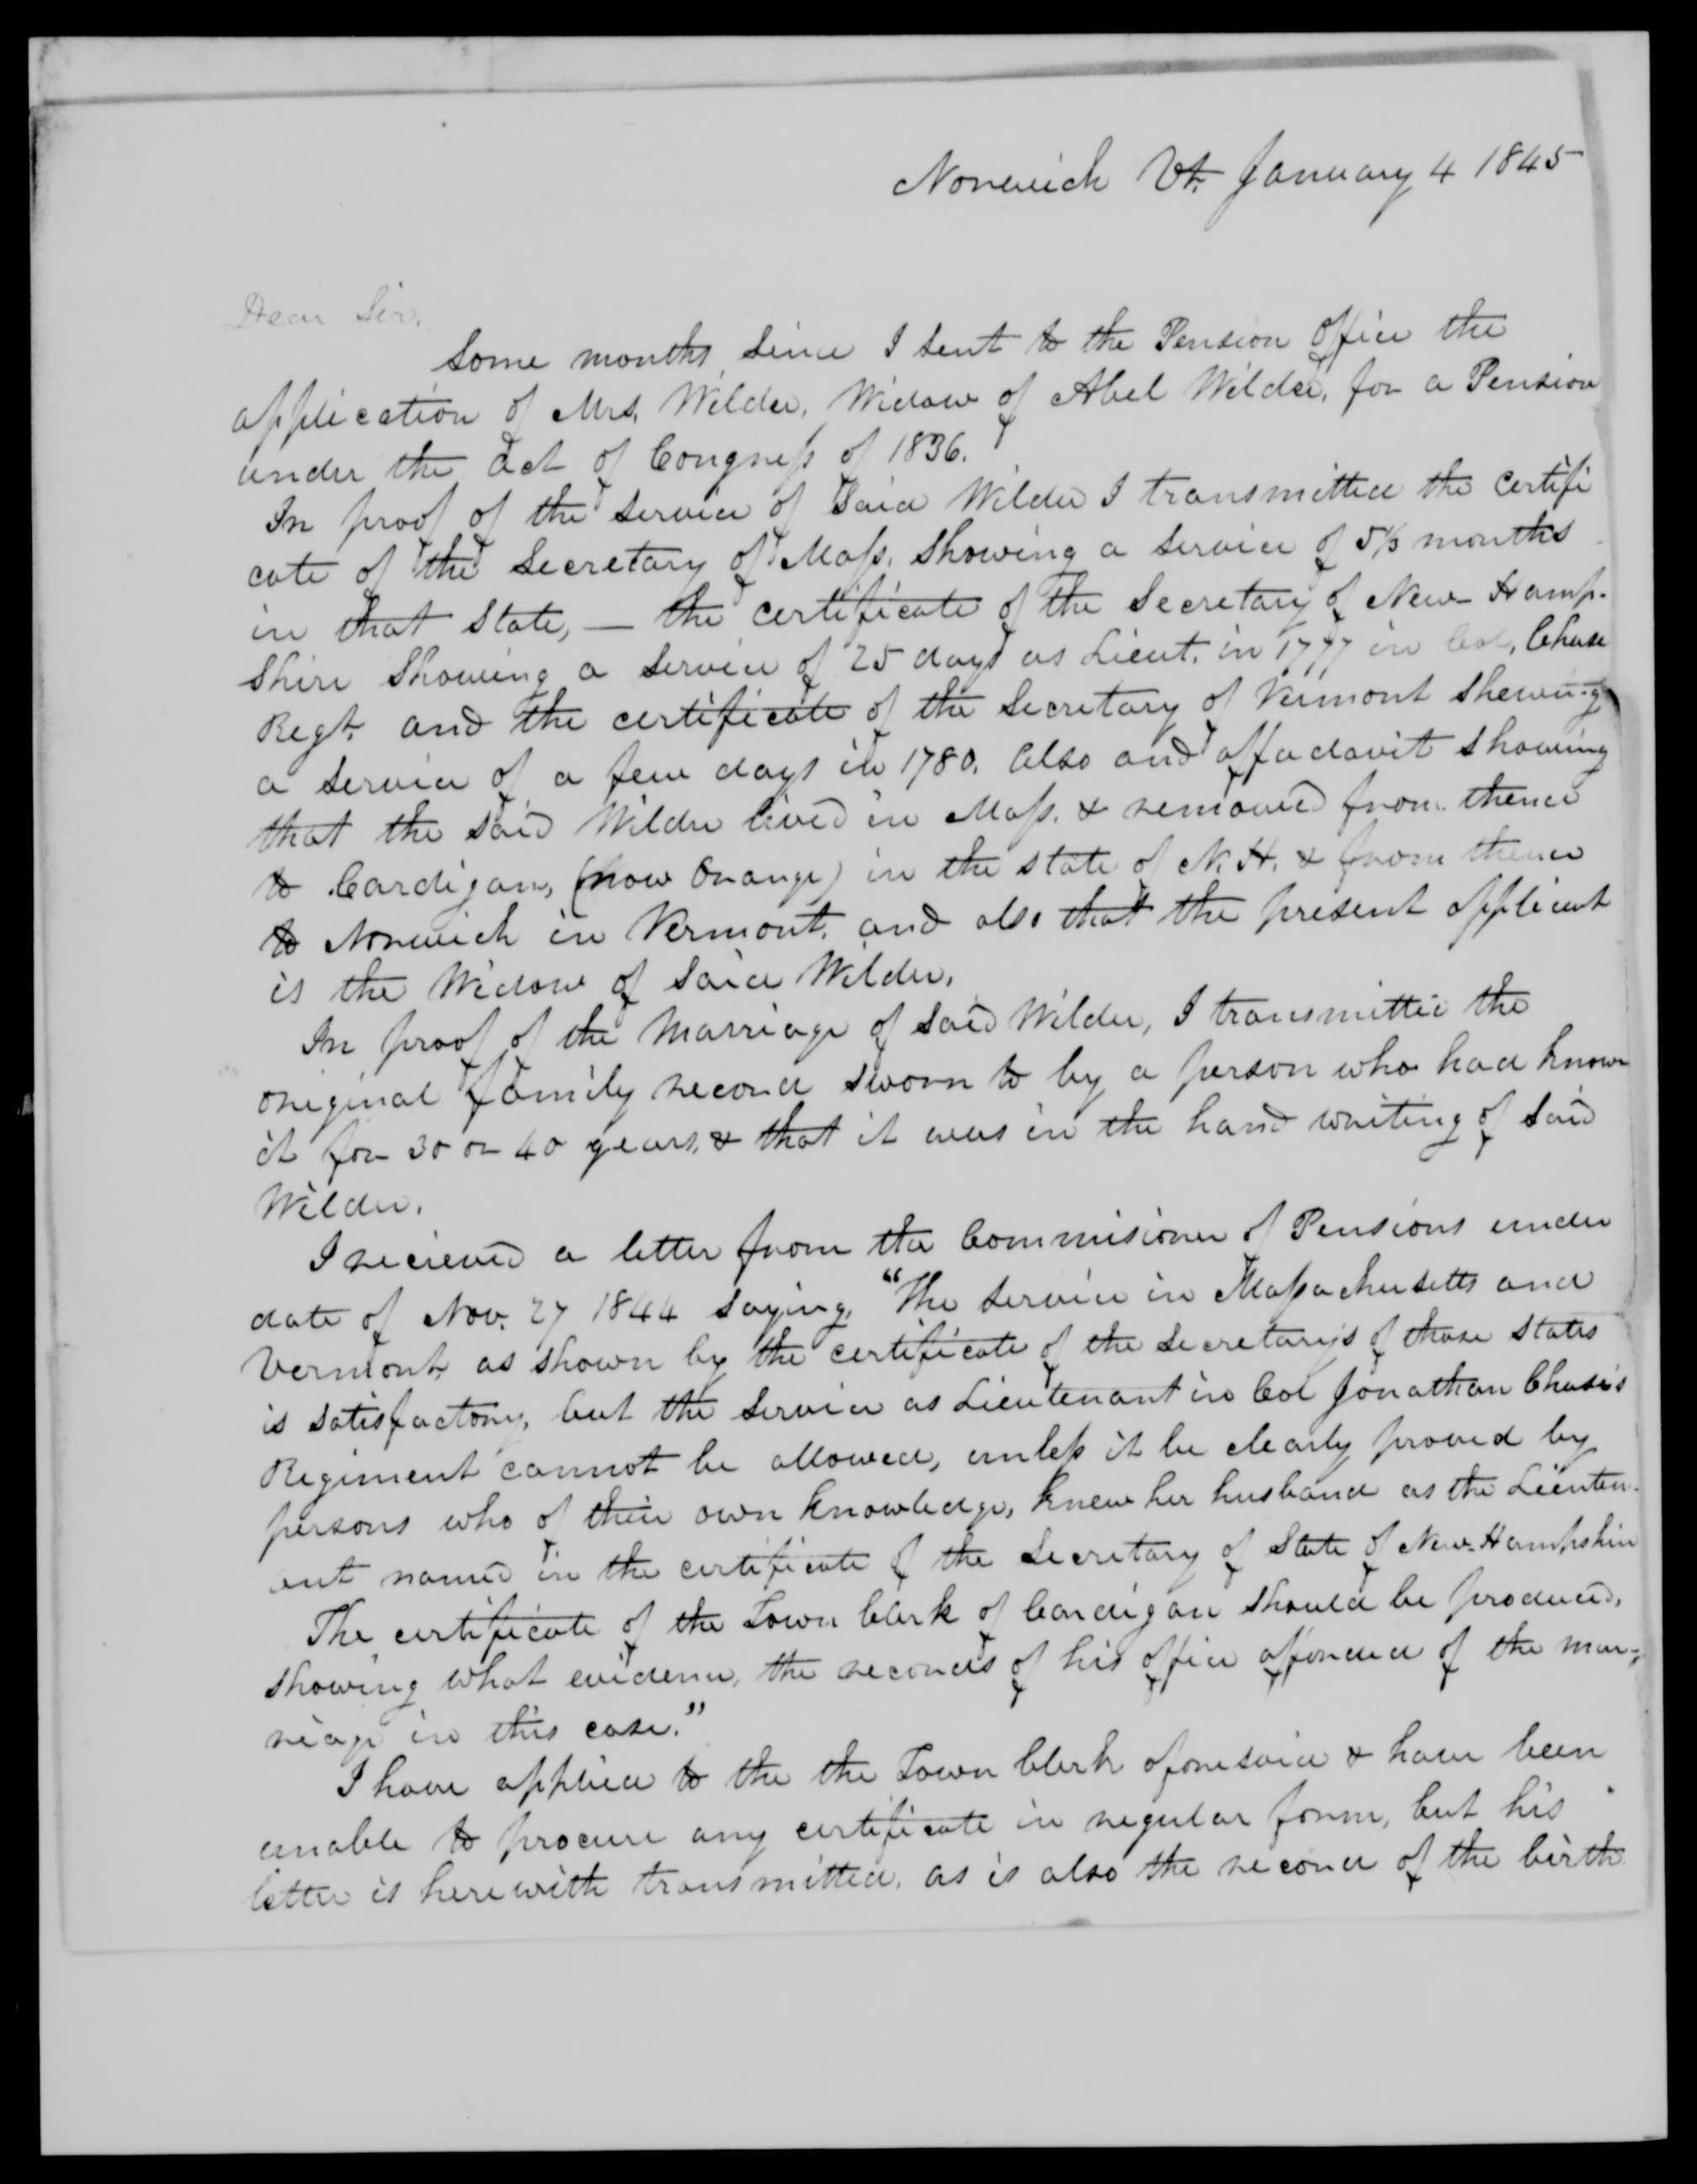Norwich Vt. January 4 1845

Dear Sir,
Some months since I sent to the Pension 
Office the application of Mrs. Wilder, Widow of Abel Wilder for a Pension under the act of Congress of 1836.
In proof of the service of said Wilder I transmitted the certificate of the Secretary of Mass. showing a service of 5 1/3 months
in that State, the certificate of the Secretary of New Hampshire Showing a service of 25 days as Lieut. in 1777 in Col. Chase Regt. and the certificate of the Secretary of Vermont showing
a service of a few days in 1780, also and affidavit showing that the said Wilder lived in Mass & removed from thence to Cardigan, (now Orange) in the State of N.H. & from thence to Norwich in Vermont, and also that the present applicant is the widow of said Wilder,
In proof of the Marriage of said Wilder, I transmitted the original family record sworn to by a person who had known it for 30 or 40 years, & that it was in the hand writing of said
Wilder.
I received a letter from the Commissioner of Pensions under date of Nov. 27 1844 saying, "The Service in Massachusetts and Vermont as shown by the certificate of the Secretary's of those States is satisfactory, but the Service as Lieutenant in Col Jonathan Chase's Regiment cannot be allowed, unless it be clearly proved by persons who of their own knowledge, knew her husband as the Lieutenant named in the certificate of the Secretary of State of New Hampshire.  The certificate of the Town Clerk of Cardigan should be produced, showing what evidence, the records of his office afference of the man - reap in this case."

I have applied to the the Town Clerk aforesaid & have been unable to procure any certificate in regular form, but his letter is herewith transmitted, as is also the record of the birth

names: Abel Wilder, Wilder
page: 33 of 40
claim: widow's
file: W. 18,426, Abel Wilder, Mass. N.H. Vt.